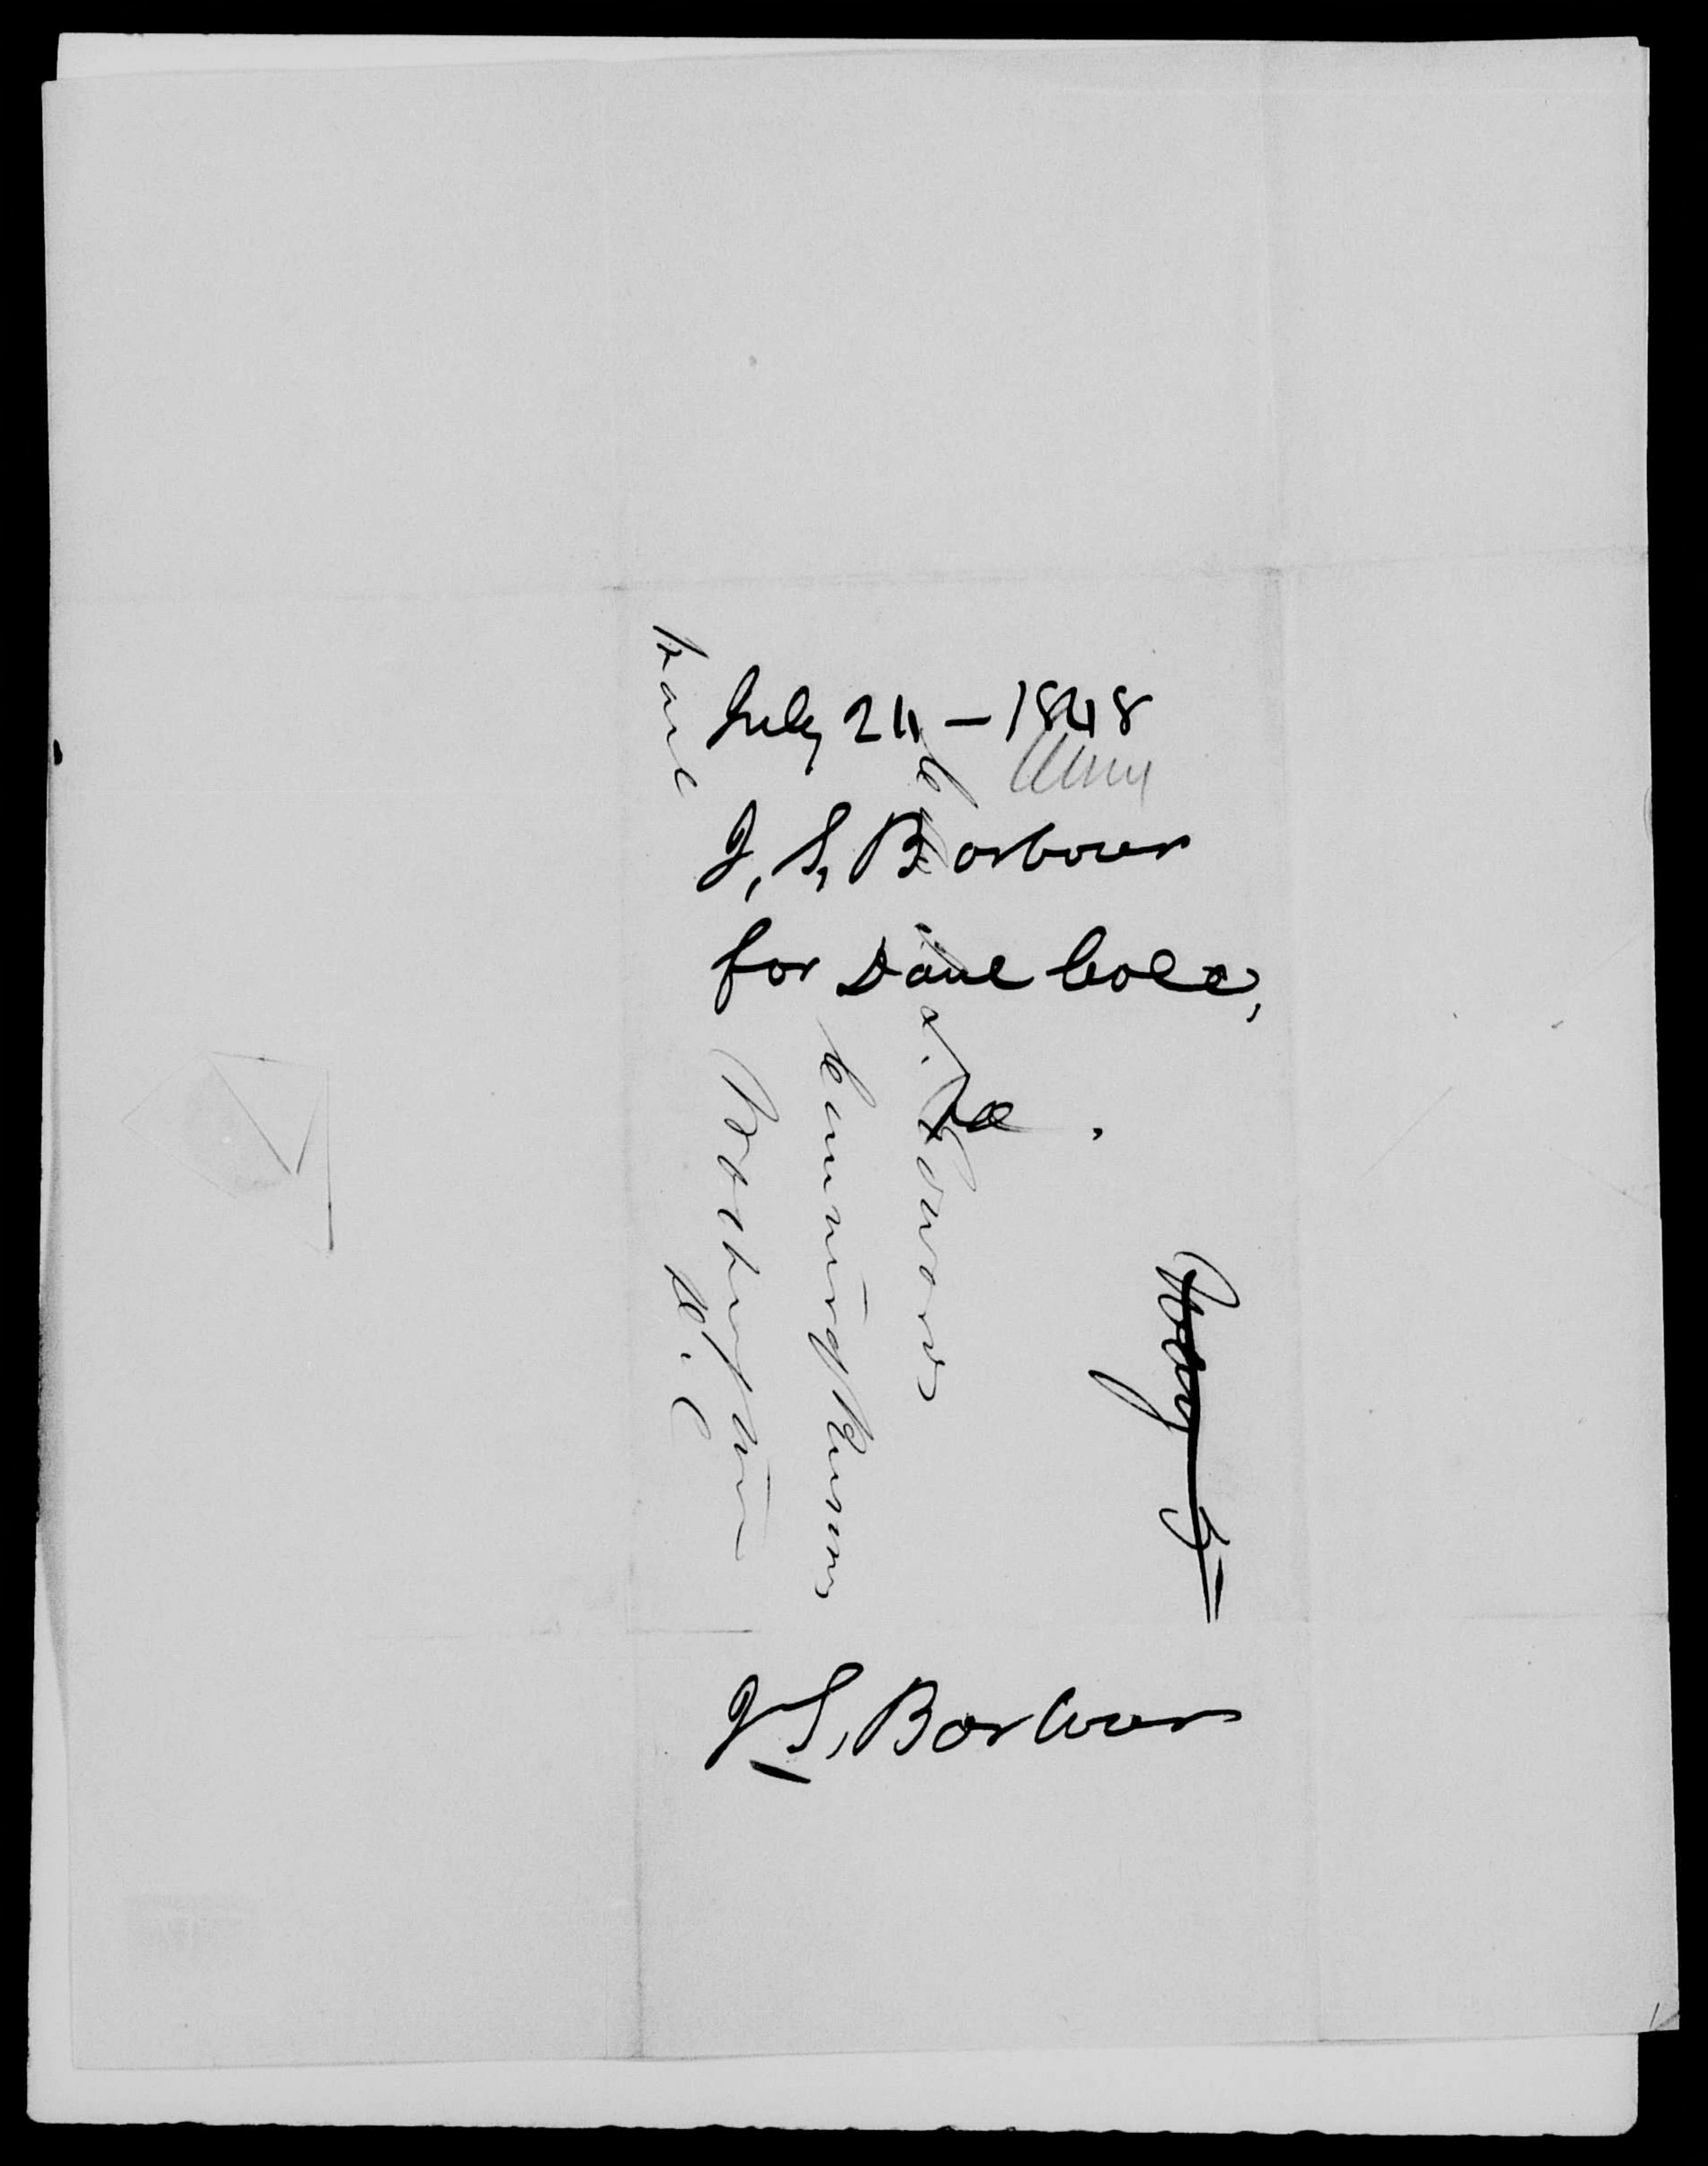July 24 - 1848
J. S. Barbour
for Danl [Daniel] Cole
[illegible]
J. S. Barbour

J. L. Edwards
Commissioner of Pensions
Washington D. C.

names: J S Barbour, Danl Cole, J S Barbour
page: 45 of 61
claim: survivor's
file: S. 8236, Daniel Cole, Va.